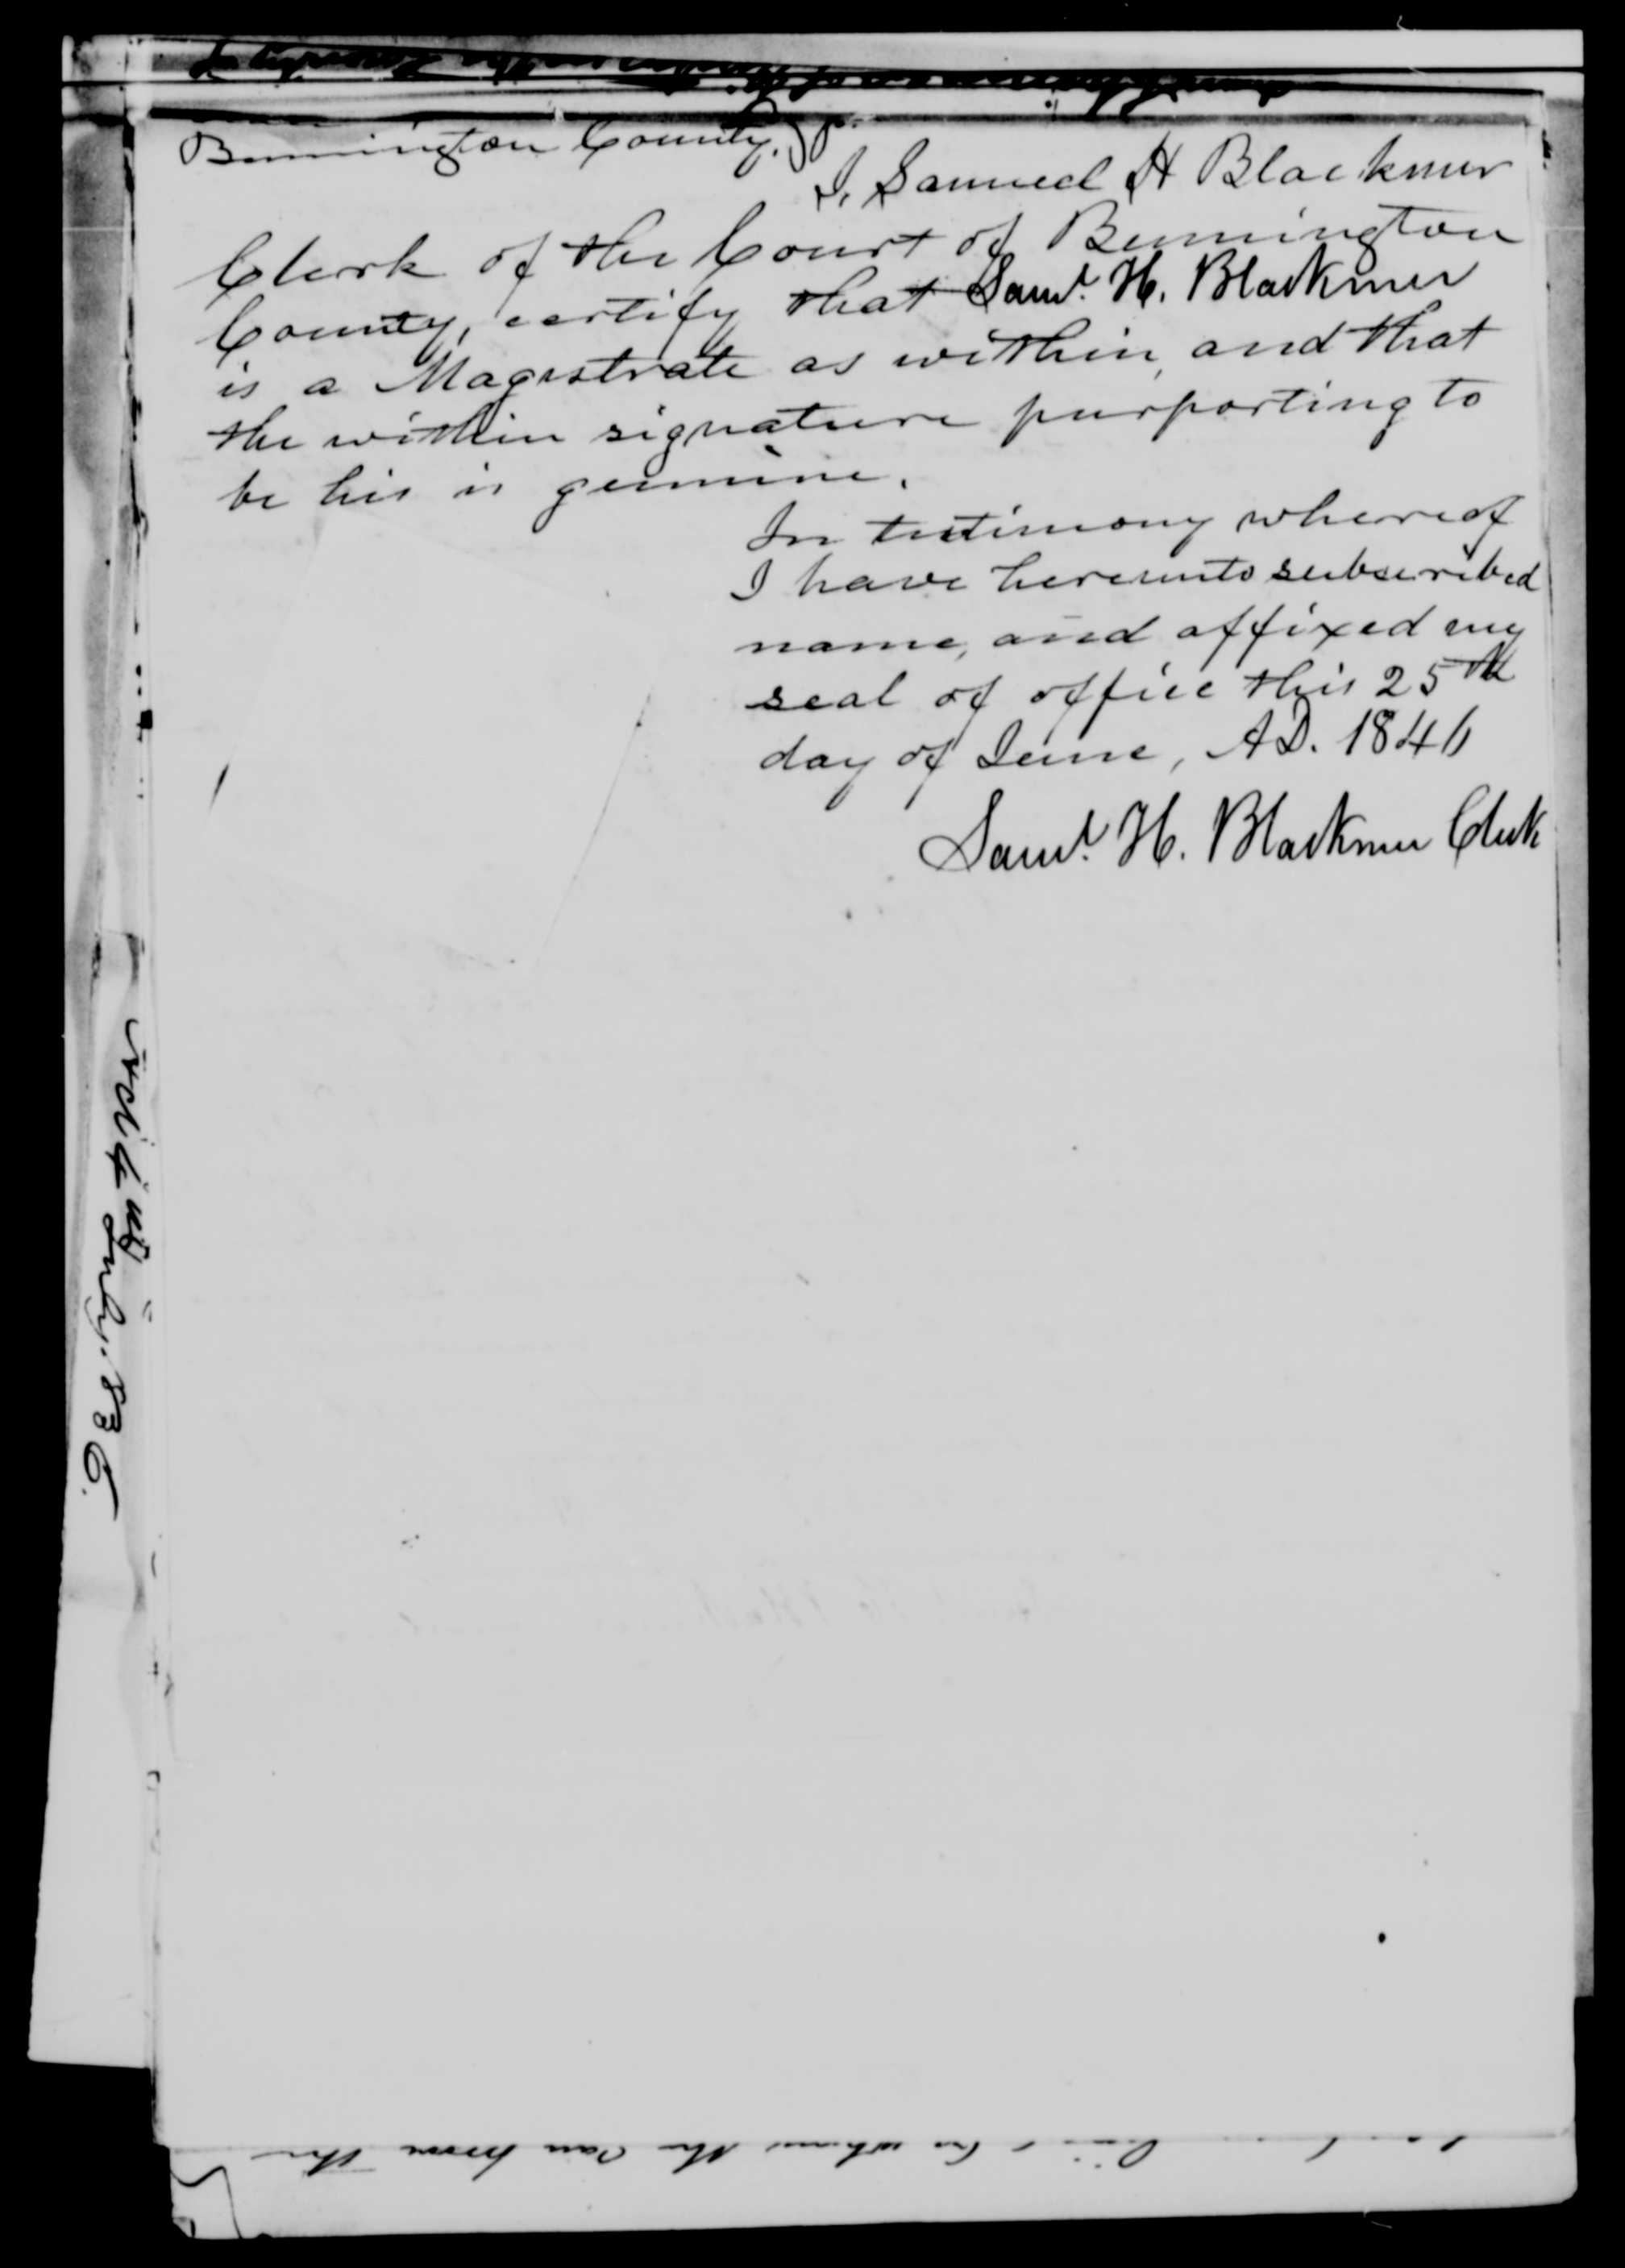Bennington County.
I, Samuel H Blackmer
Clerk of the Court of Bennington
County, certify that Saml H. Blackmer
is a Magistrate as within, and that the
within signature purporting to
be his is genuine.
In testimony whereof
I have hereunto subscribed 
name, and affixed my
seal of office this 25th
day of June, A.D. 1846
[Signature] Saml H. Blackmer Clerk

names: Samuel H Blackmer; Saml H Blackmer; Saml H Blackmer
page: 12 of 26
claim: rejected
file: R. 10,154, for John Stewart, New Hampshire